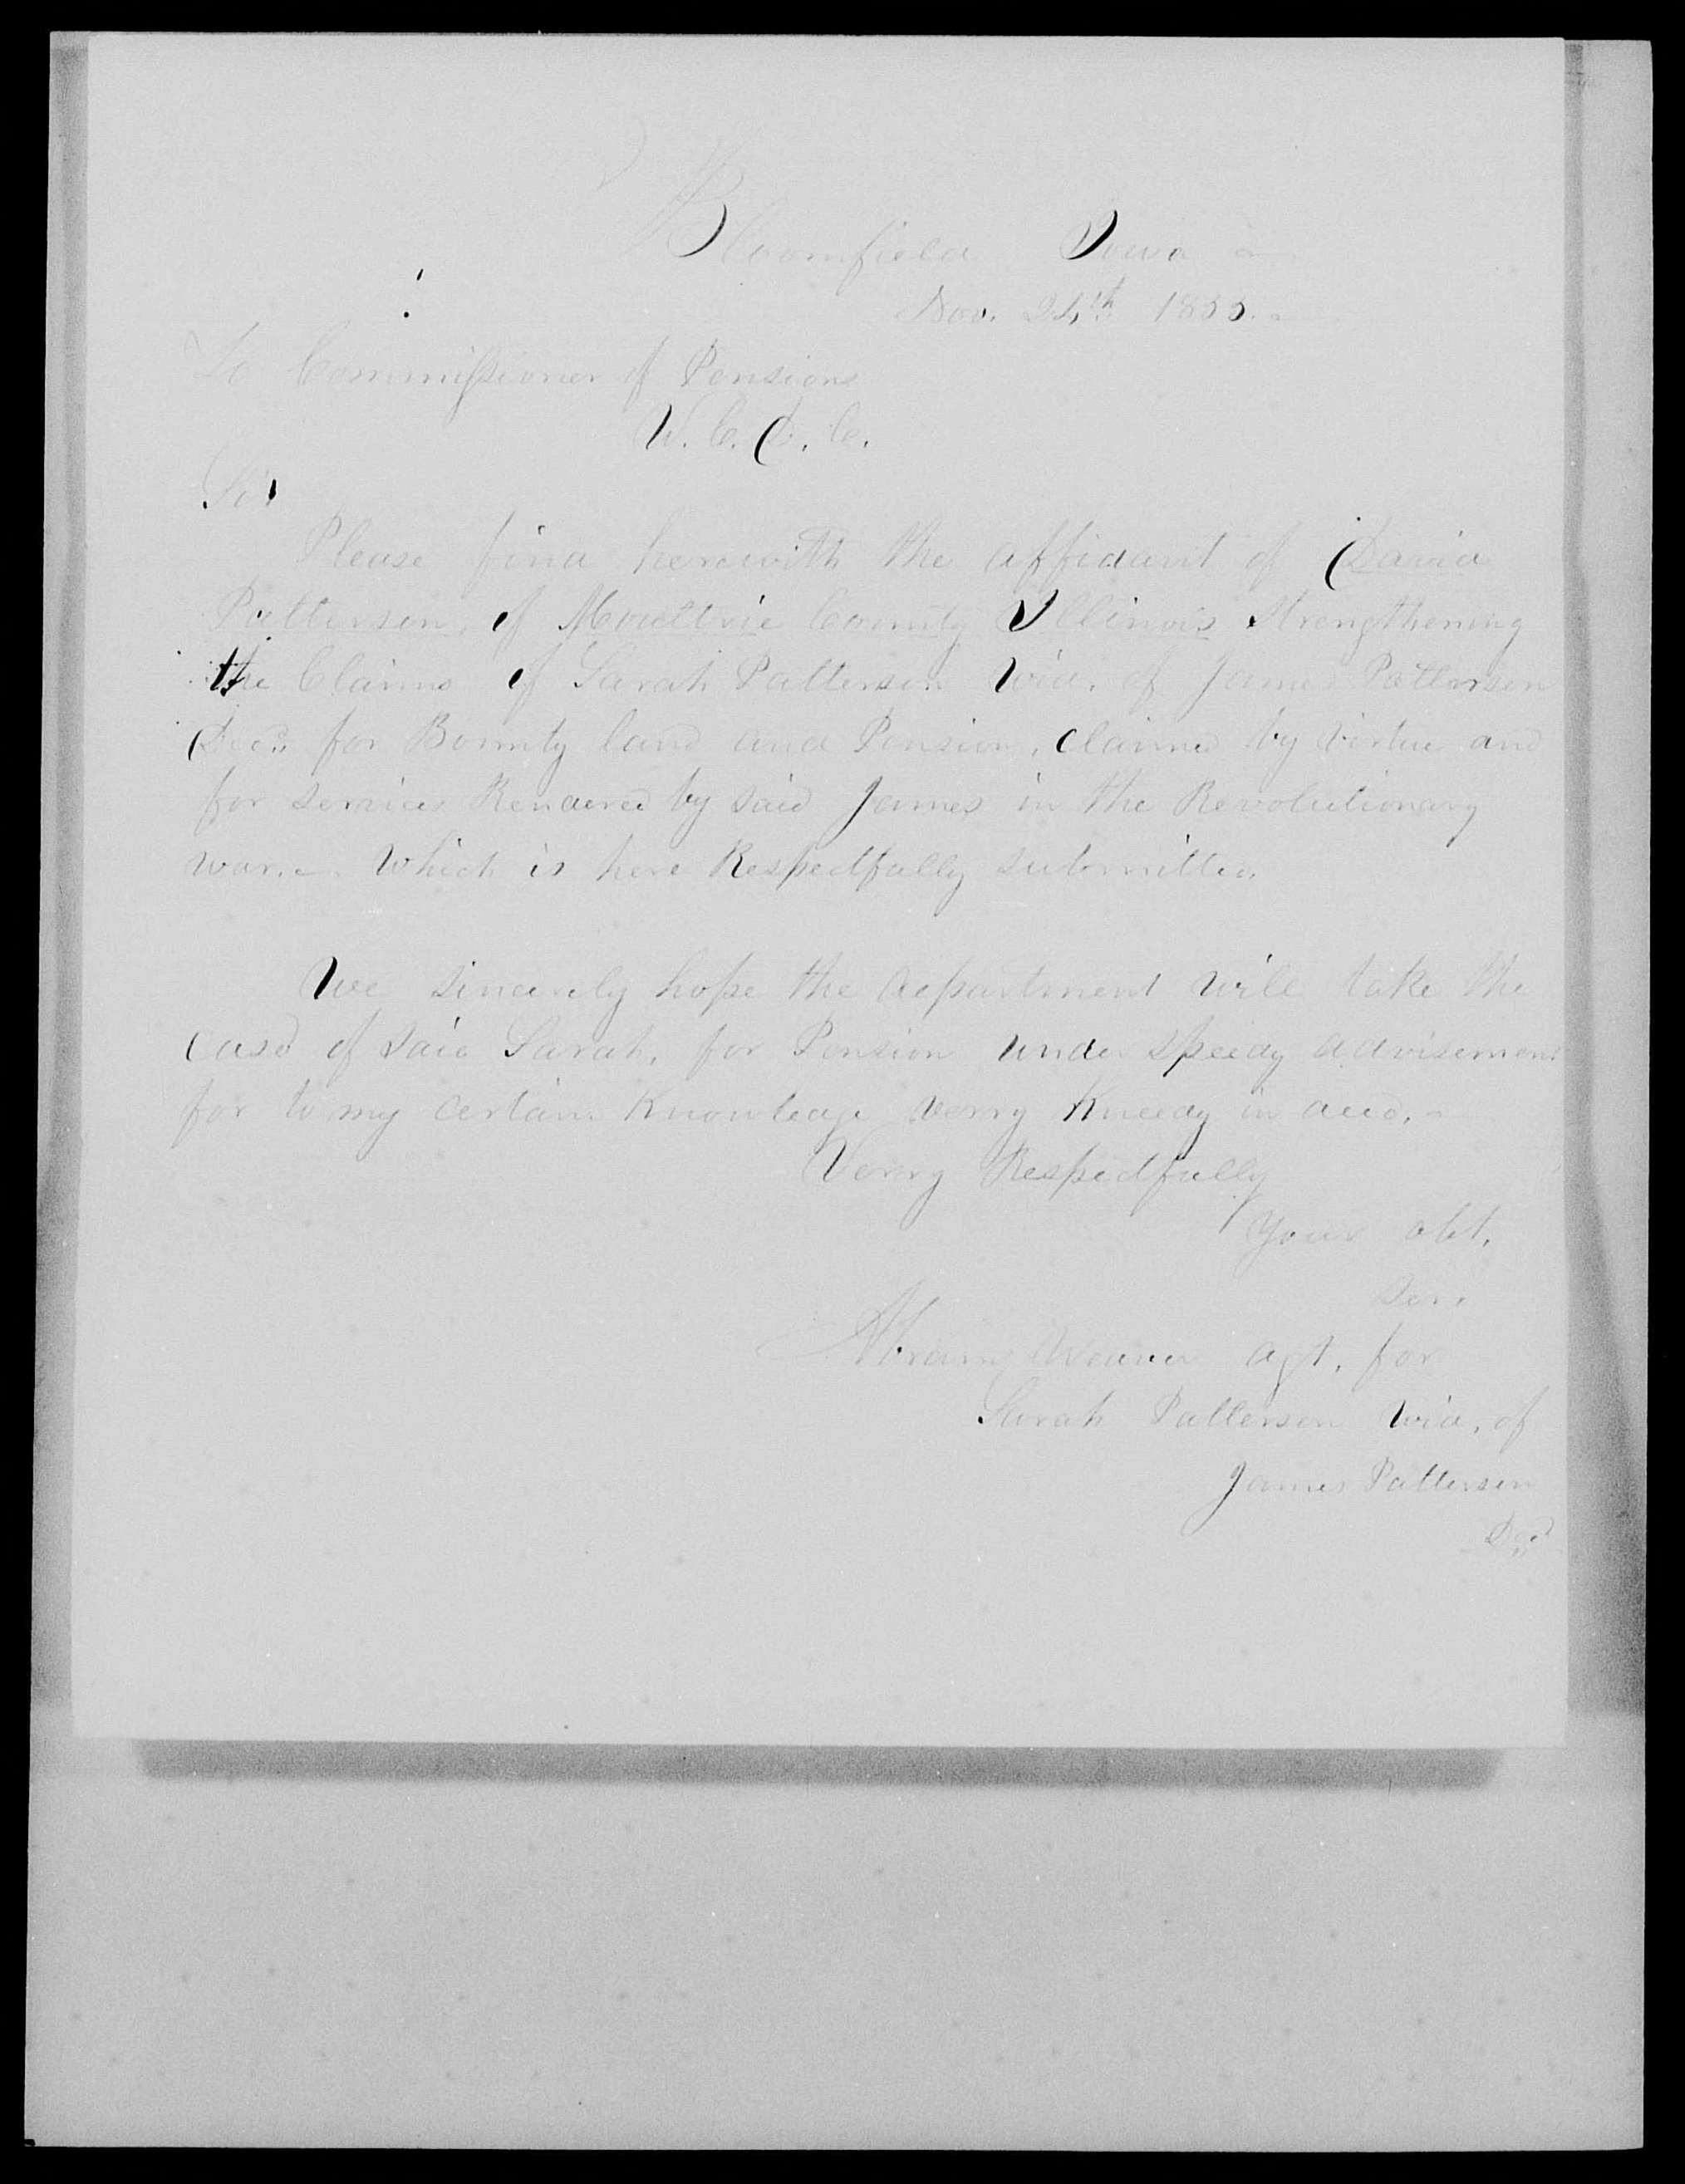Bloomfield Iowa 
Nov. 24th 1853.
To Commissioner of Pension 
W.C.C.C.
Sir
Please find herewith the affidavit of David Patterson of Moultrie County Illinois strengthening the Claims of Sarah Patterson Wid. of James Patterson Dec’d. for Bounty land and Pension, claimed by virtue and for services rendered by said James in the Revolutionary war .-- which is here respectfully submitted 

We sincerely hope the department will take the case of said Sarah, for Pension under speedy advisement for to my certain knowledge verry Kneedy in deed. 
Very Respectfully 
your abt.
[illegible Des]
Abram Weaver att. for 
Sarah Patterson Wid. of 
James Patterson 
Dec’d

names: David Patterson; Sarah Patterson; James Patterson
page: 35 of 69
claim: widow's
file: W. 10861, for James Patterson, North Carolina